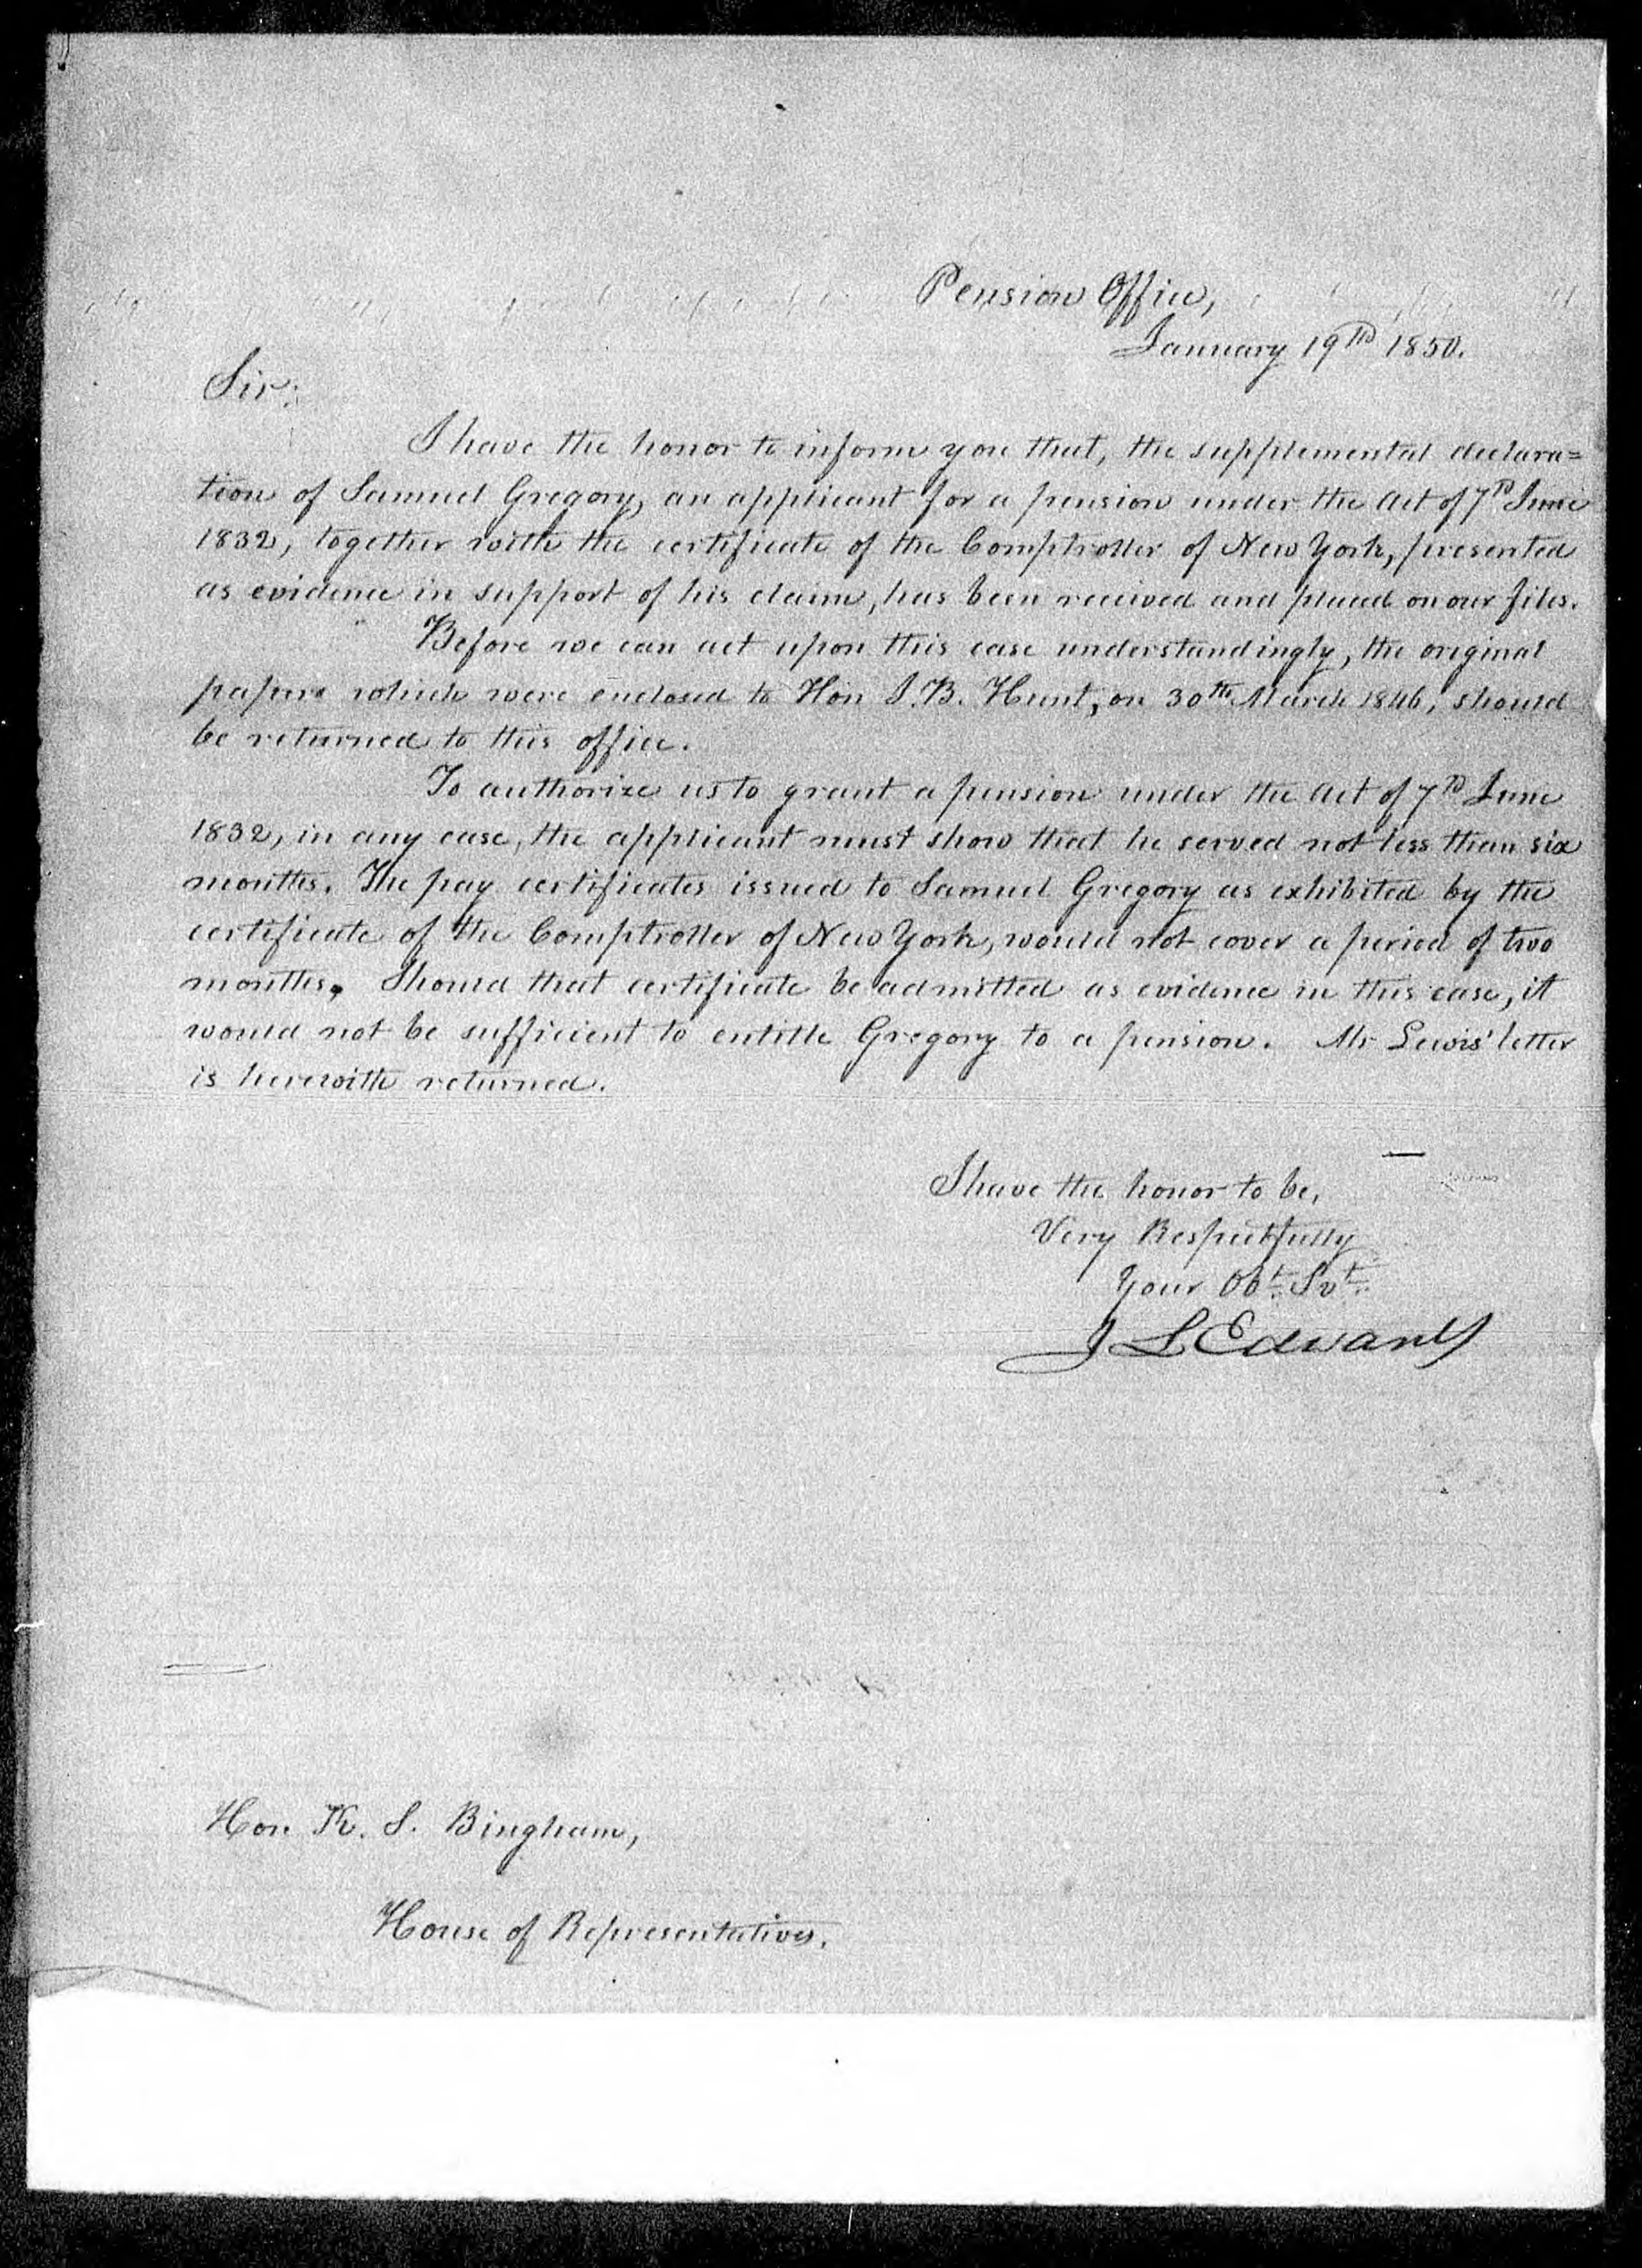Pension Office, 
January 19th 1850.

Sir:

I have the honor to inform you that, the supplemental declaration of Samuel Gregory, an applicant for a pension under the Act of 7th June 1832, together with the certificate of the Comptroller of New York, presented as evidence in support of his claim, has been received and placed on our files.

Before we can act upon this case understandingly, the original papers which were enclosed to Hon J.B. Hunt on 30th March 1846, should be returned to this office.

To authorize us to grant a pension under the Act of 7th June 1832, in any case, the applicant must show that he served not less than six months. The pay certificates issued to Samuel Gregory as exhibited by the certificate of the Comptroller of New York would not cover a period of two months, Should that certificate be admitted as evidence in this case, it would not be sufficient to entitle Gregory to a pension.  Alv Servis' letter is herewith returned.

I have the honor to be,
Very Respectfully
your obt svt
J.L. Edwards

Hon. K. S. Bingham,
House of Representatives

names: J B Hunt, J L Edwards, Lewis, Gregory, K S Bingham, Samuel Gregory, Samuel Gregory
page: 50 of 66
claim: rejected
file: R. 4298, Samuel Gregory, New York